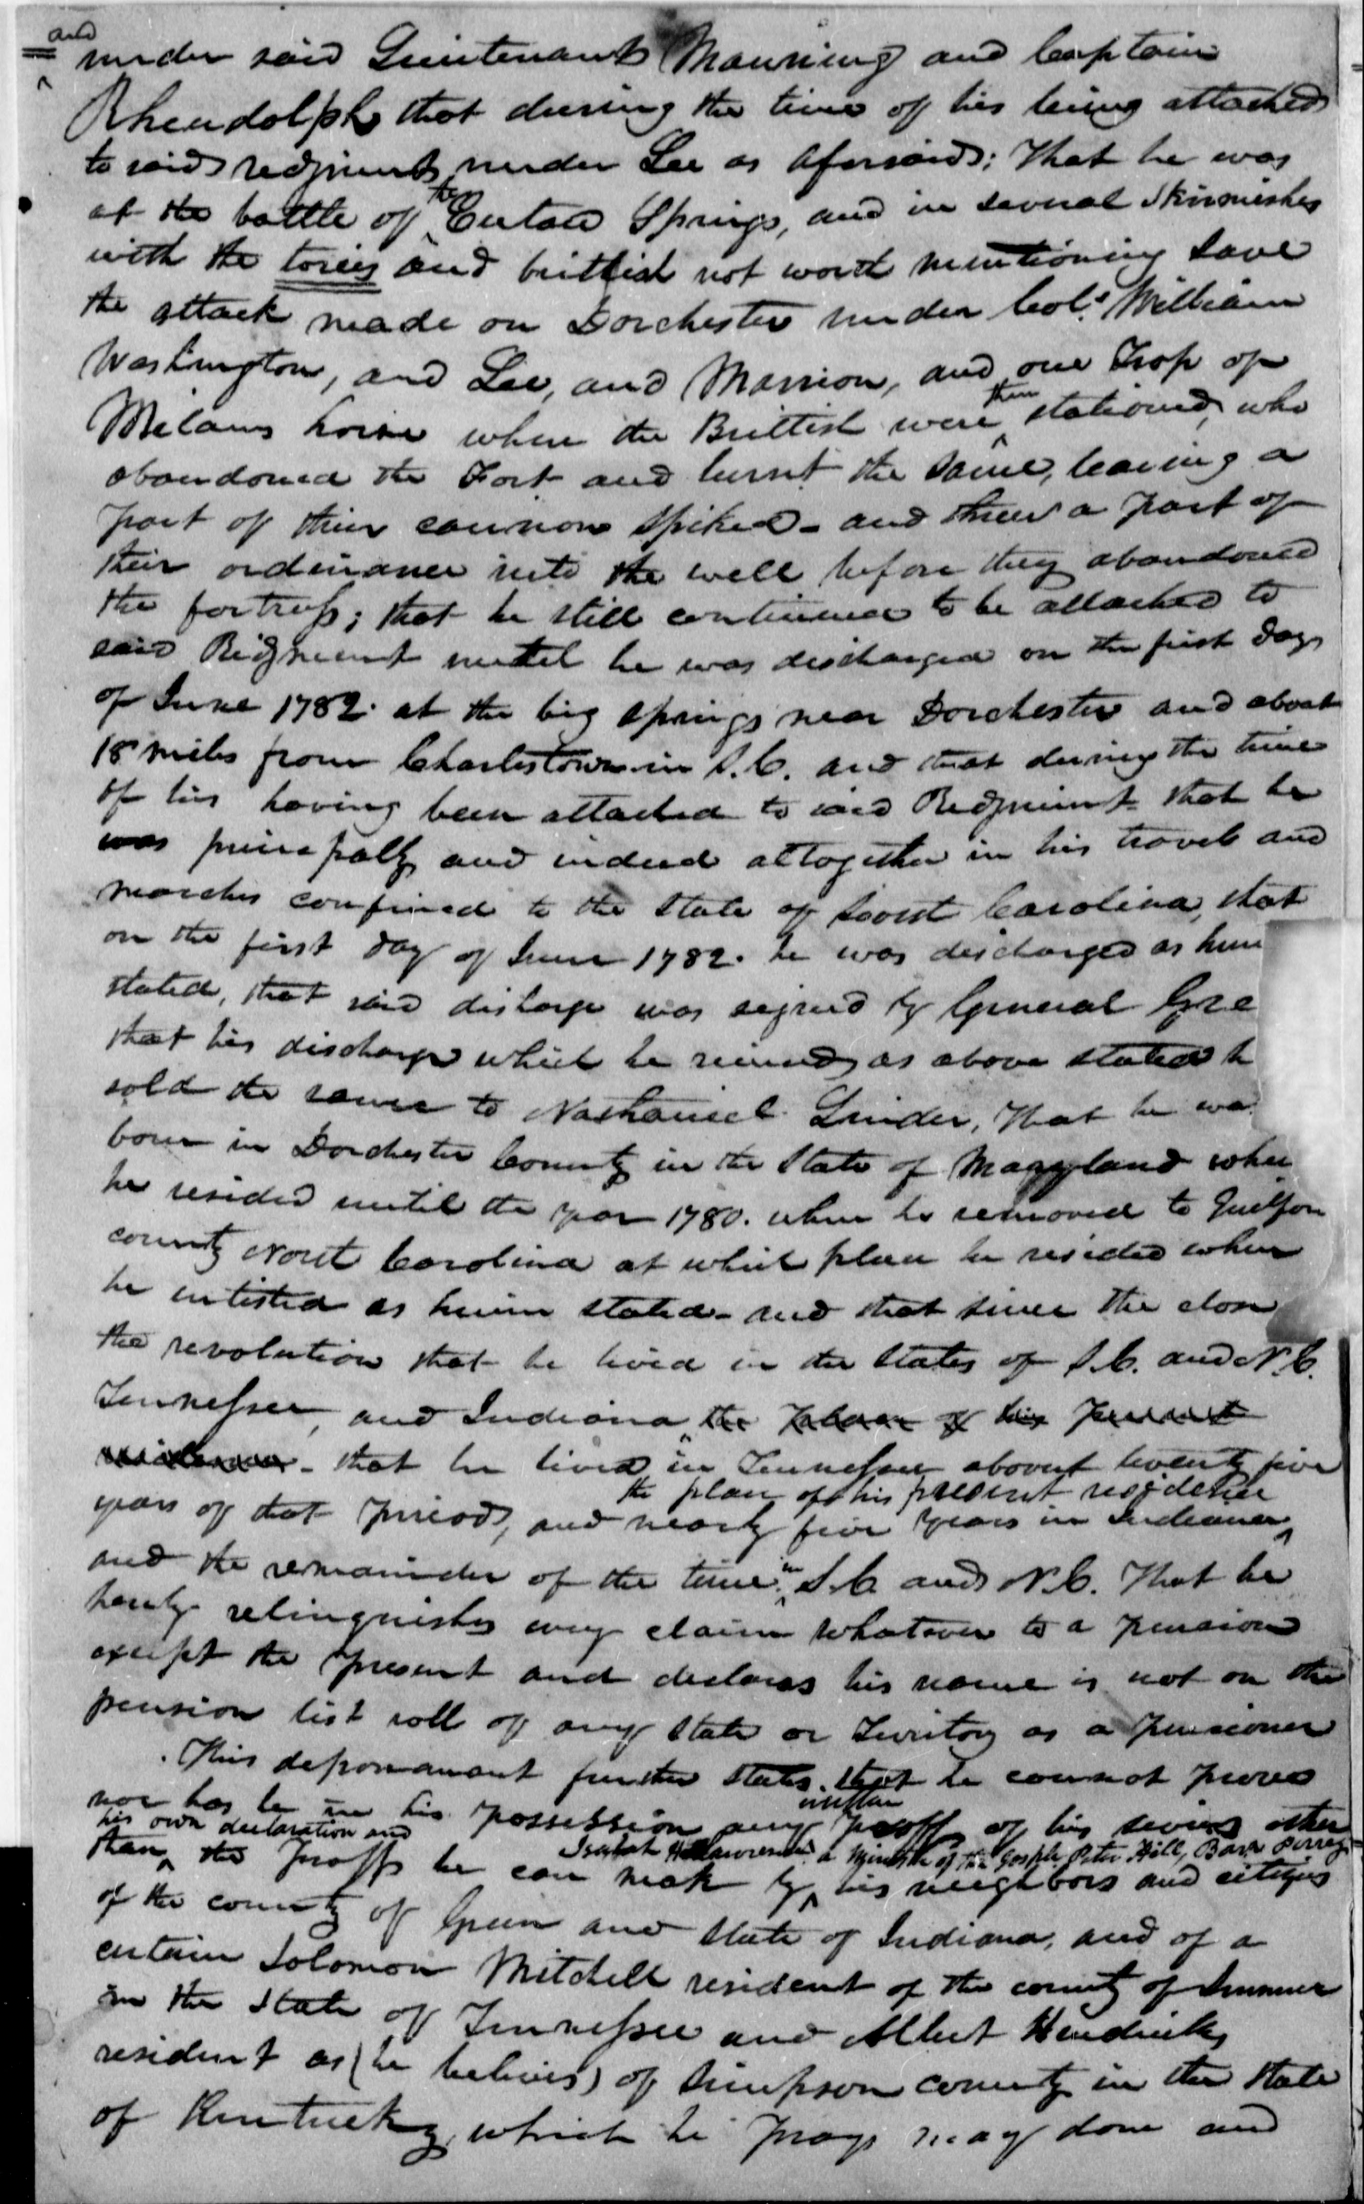and under said Lieutenant Manning and Captain Rhendolph that during the time of his being attached to said regiment under Lee as aforesaid; that he was at the battle of Eutah Springs, and in several skirmishes with the tories and british not worth mentioning the attack made on Dorchester under Col. William Washington, and Lee, and Manion and [our?] [illegible] of [illegible] horse when the British were then stationed who abandoned the Fort and burnt the [illegible] leaving a part of their cannon spiked and threw a part of their ordinance into the well before they abandoned the fortress; that he still continued to be attached to said Regiment until he was discharged on the first day of June 1782. at the big springs near Dorchester and about 18 miles from Charlestown in S.C. and that during the time of his having been attached to said Regiment that he [principally?] and indeed altogether in his travels and marches confined to the State of South Carolina, that on the first day of June 1782. he was discharged as [illegible] stated, that said discharge was signed by General Greene that his discharge which he received as above stated [illegible] sold the [illegible] to Nathaniel Linder, that he was born in Dorchester County in the State of Maryland where he resided until the year 1780. where he [removed?] to [illegible] County North Carolina at which place he resided where he enlisted as herein stated and that since the [close?] [illegible] the revolution that he lived in the States of S.C. and N.C. Tennessee, and Indiana [illegible] that he lived in Tennessee [about?] [illegible] [illegible] years of that period, and nearly five years in Indiana [added text above here: "the plan of his present residence"] and the remainder of the time in S.C. and N.C. That he hereby relinquishes every claim whatever to a pension except the present and declares his name is not on the pension list roll of any State or Territory as a pensioner.
       This deponent further states that he cannot prove nor has in his possession any written proof of his service other than his own declaration and the [illegible] he can [make?] by Josph Peter Hill, Barn Perry  his neighbors and citizens of the County of [Green?] and State of Indiana, and of a certain Solomon Mitchell resident of the county of Sumner in the State of Tennessee and Albert Hendricks, resident as (he believes) of Simpson county in the State Kentucky, which he prays may  [illegible] and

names: Josph, Isaiah H Laurence, Marrion, Lee, Albert Hendricks, William Washington, Barn Perry, Nathaniel Linder, Solomon Mitchell, Rhendolph, Lee, Peter Hill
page: 4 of 35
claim: survivor's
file: S. 32089, John Abbott, Continental N. C.